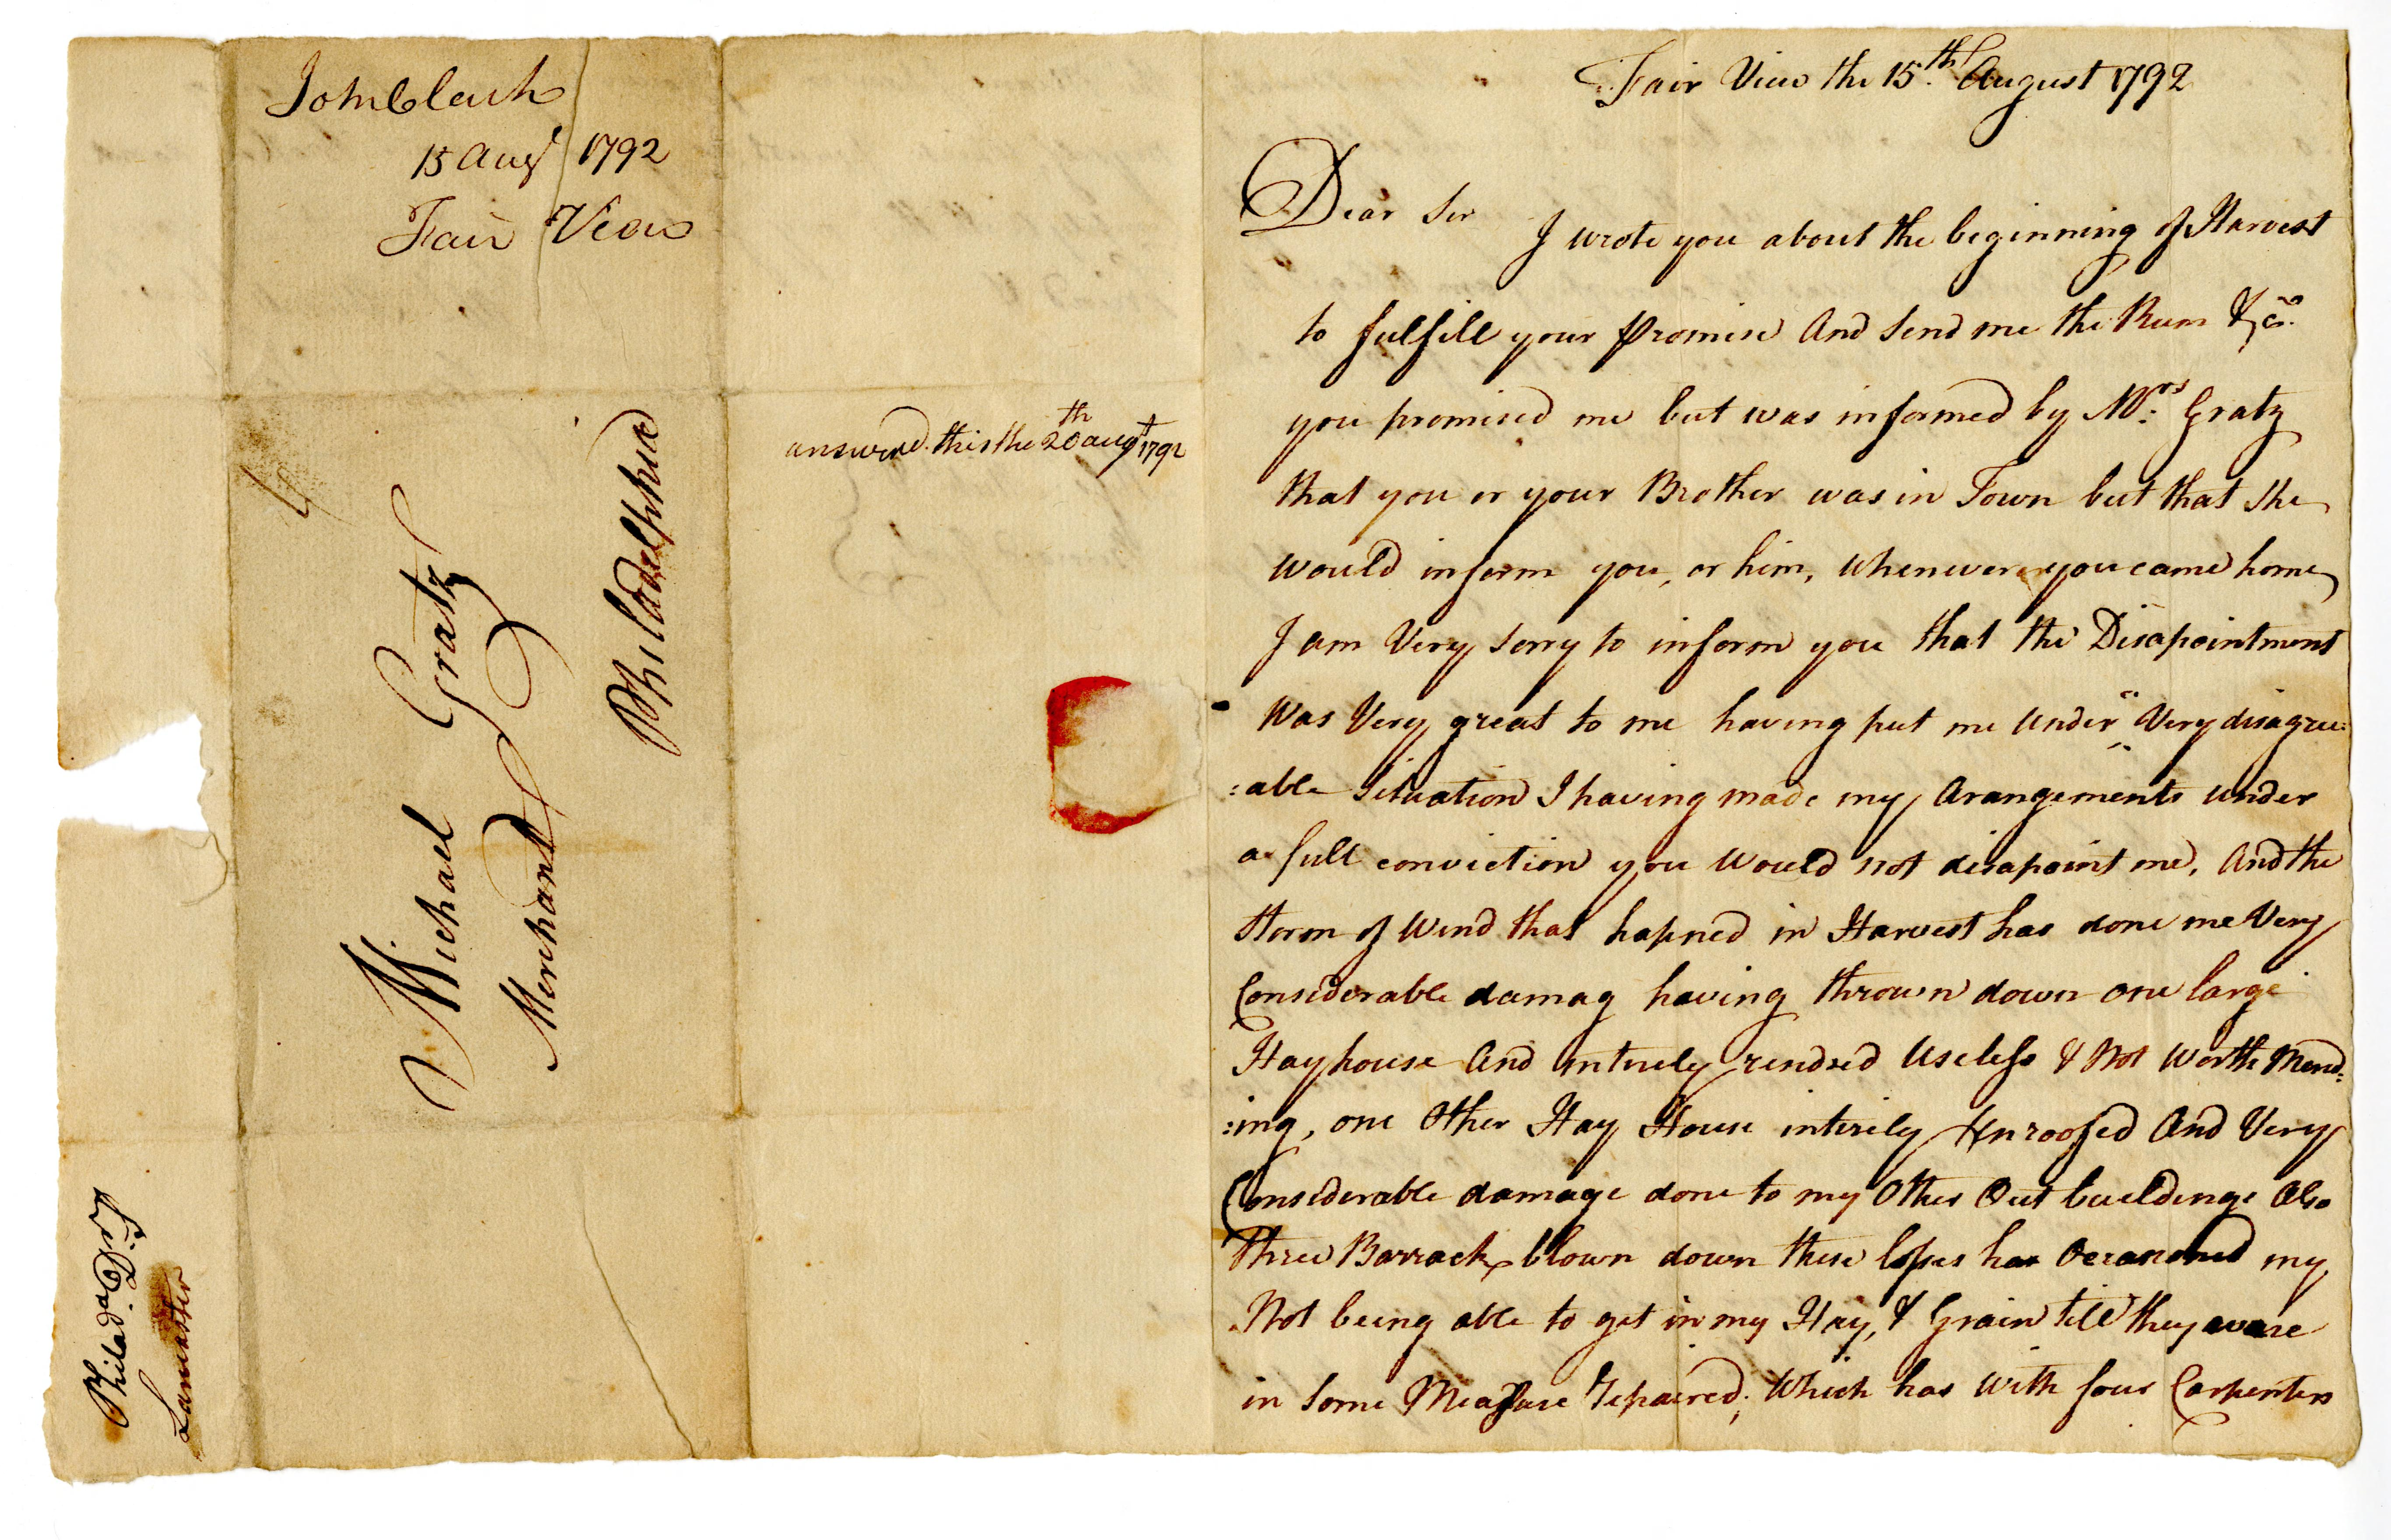Michael Gratz
Merchant
Philadelphia
John Clark
15 Aug^t 1792
Fair View
answer^d this the 20^th Aug^t 1792
Philad^a D^r S^r
Lancaster
Fair View the 15^th August 1792
Dear Sir
I wrote you about the beginning of August
to fulfill your promise And Send me the Rum &c^a.
you promised me but was informed by M^rs: Gratz
that you or your Brother was in Town but that she
would inform you, or him, whenever you came home
I am Very sorry to inform you that the Disappointment
Was Very great to me having put me Under Very disagree-
-able Situation I having made my Arrangements under
a full conviction you Would not disappoint me, And the
Storm of Wind that hapned in Harvest has done me Very
Considerable damage having thrown down one large
Hayhouse and intirely rendred Useless & not Worth Mend-
-ing, one other Hay House intirely Unroofed And Very
considerable damage done to my Other Out building, also
three Barracks blown down these loses has Occasioned my
Not being able to get in my Hay, & Grain till they were
in some Measure repaired, Which has with four Carpenters